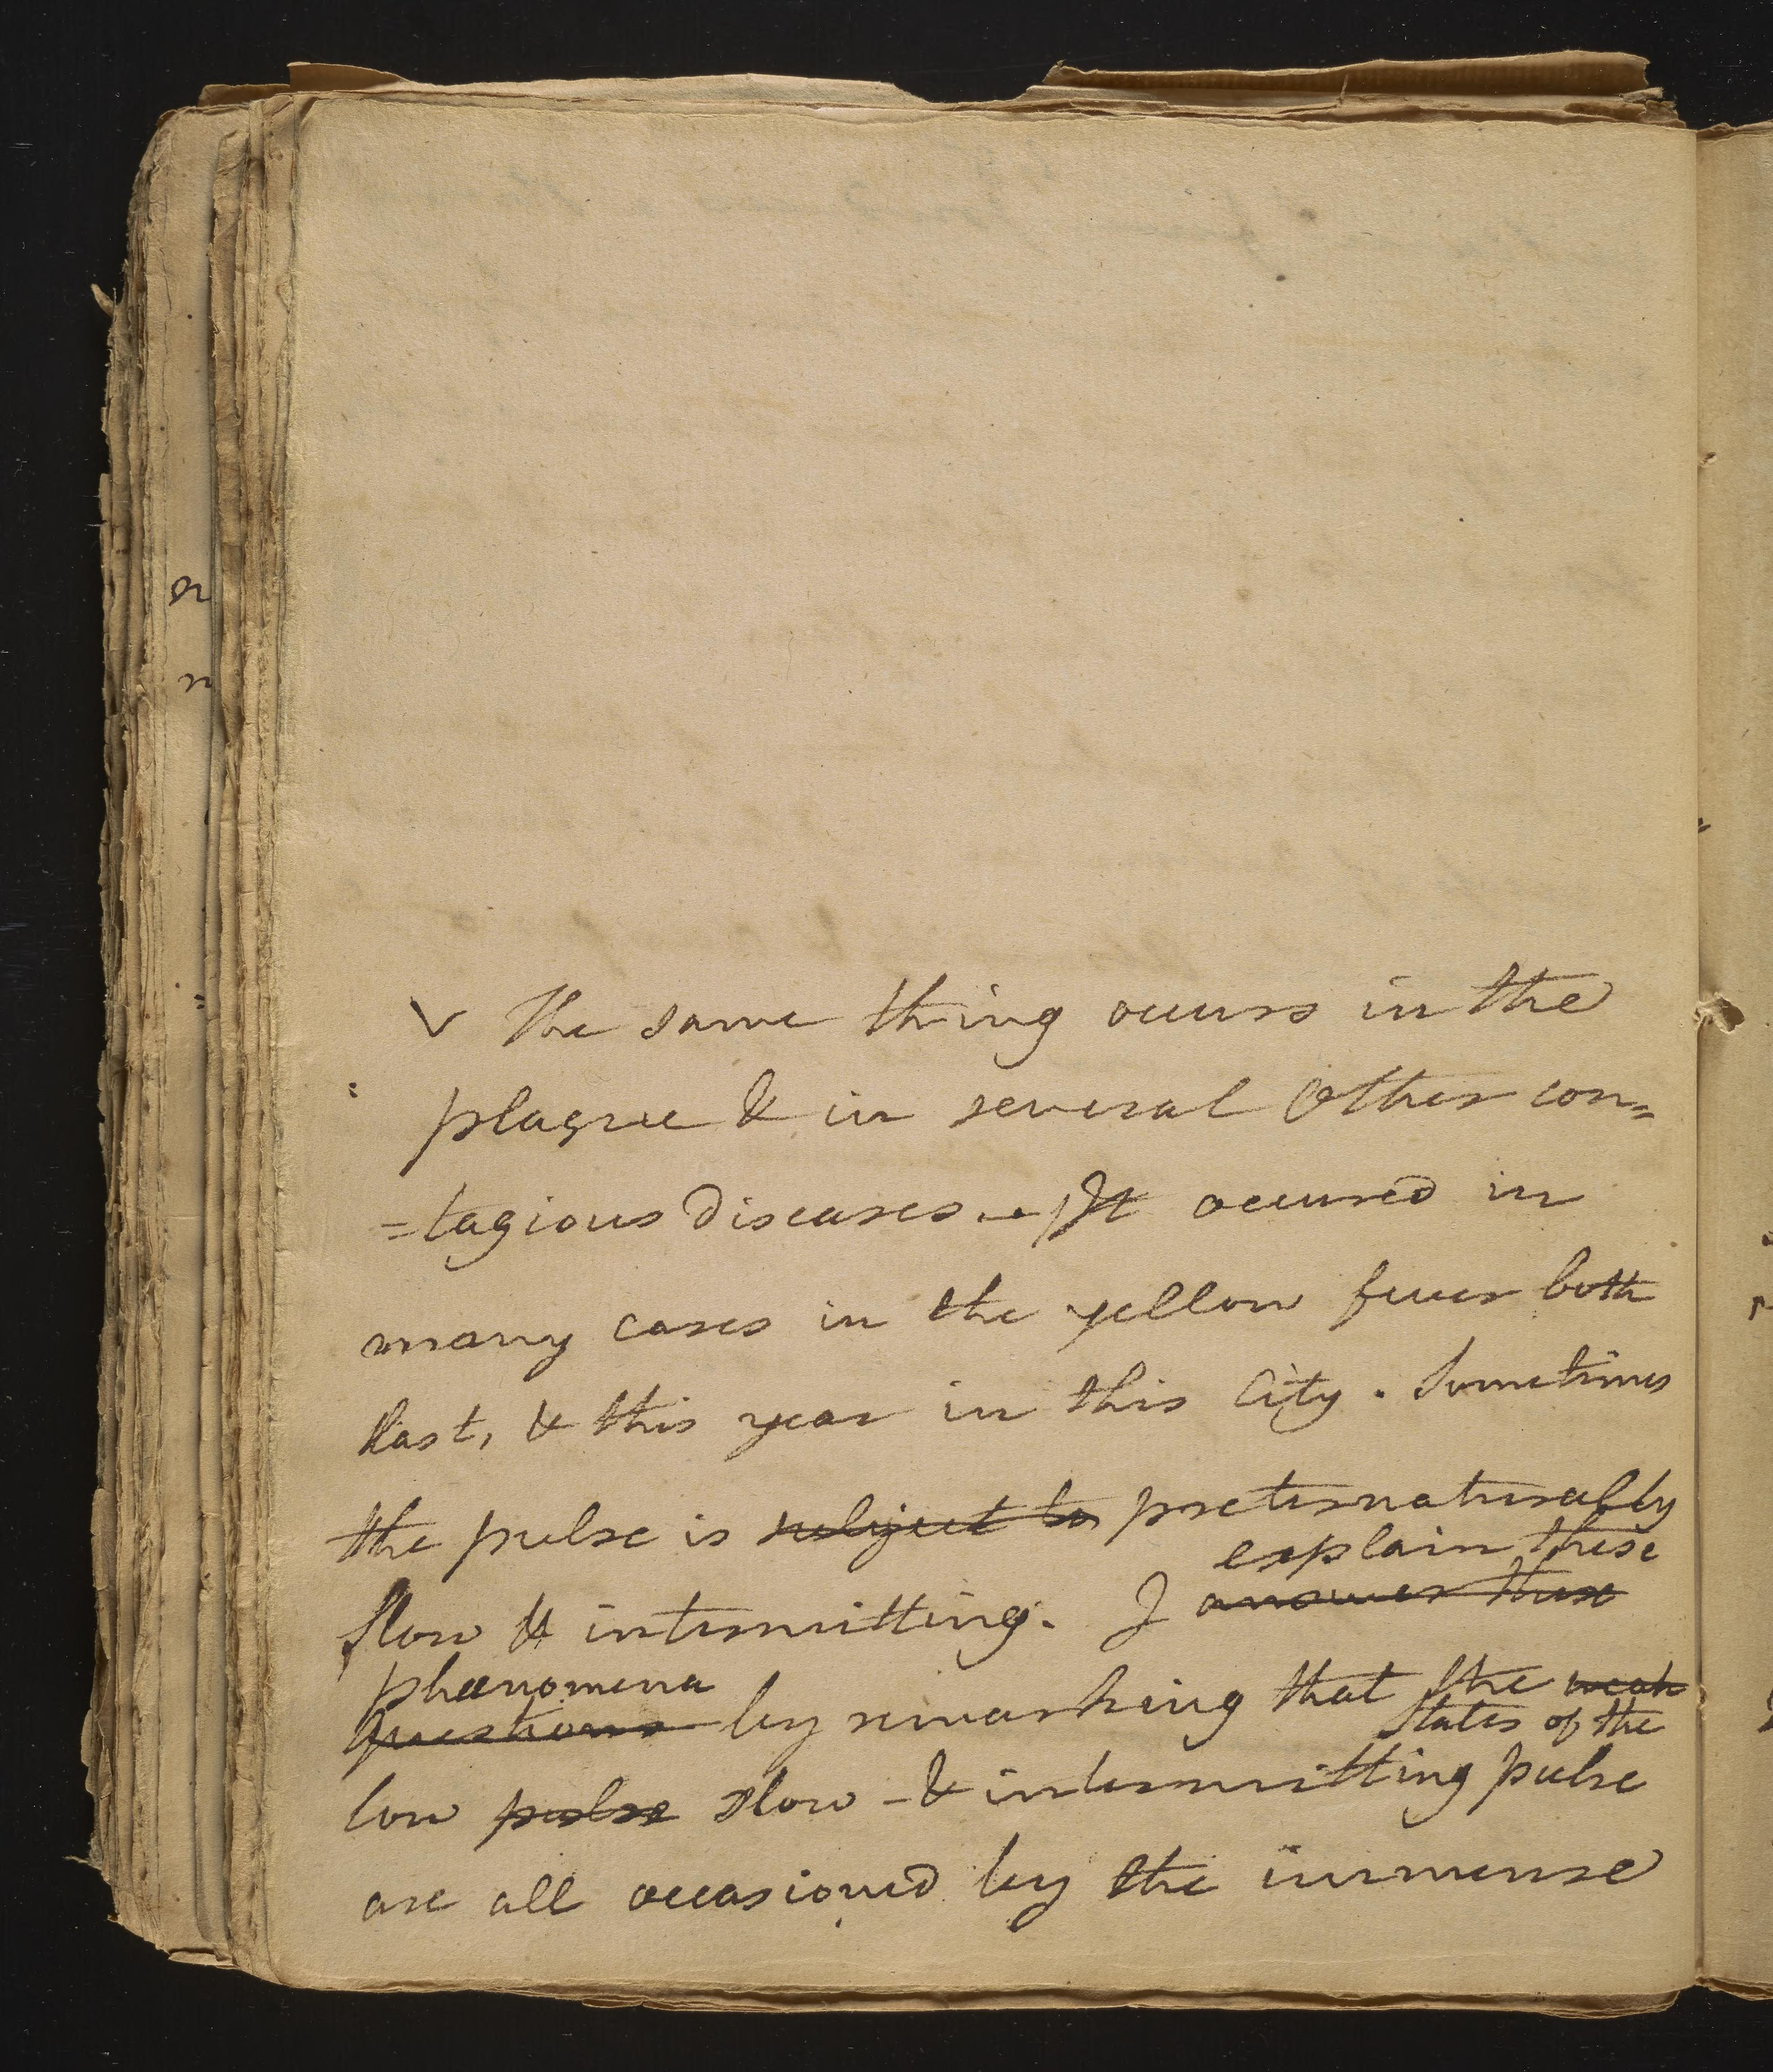V The same thing occurs in the
plague & in several other con-
-tagious diseases. It occured in
many cases in the yellow fever both
last, & this year in this city. Sometimes
the pulse is [subject to] preternaturally
explain these
slow& intermitting. I [answer]
phenomena
[questions] by remarking that the [weak]
states of the
low [pulse] slow- & intermitting pulse
are all occasioned by the immense